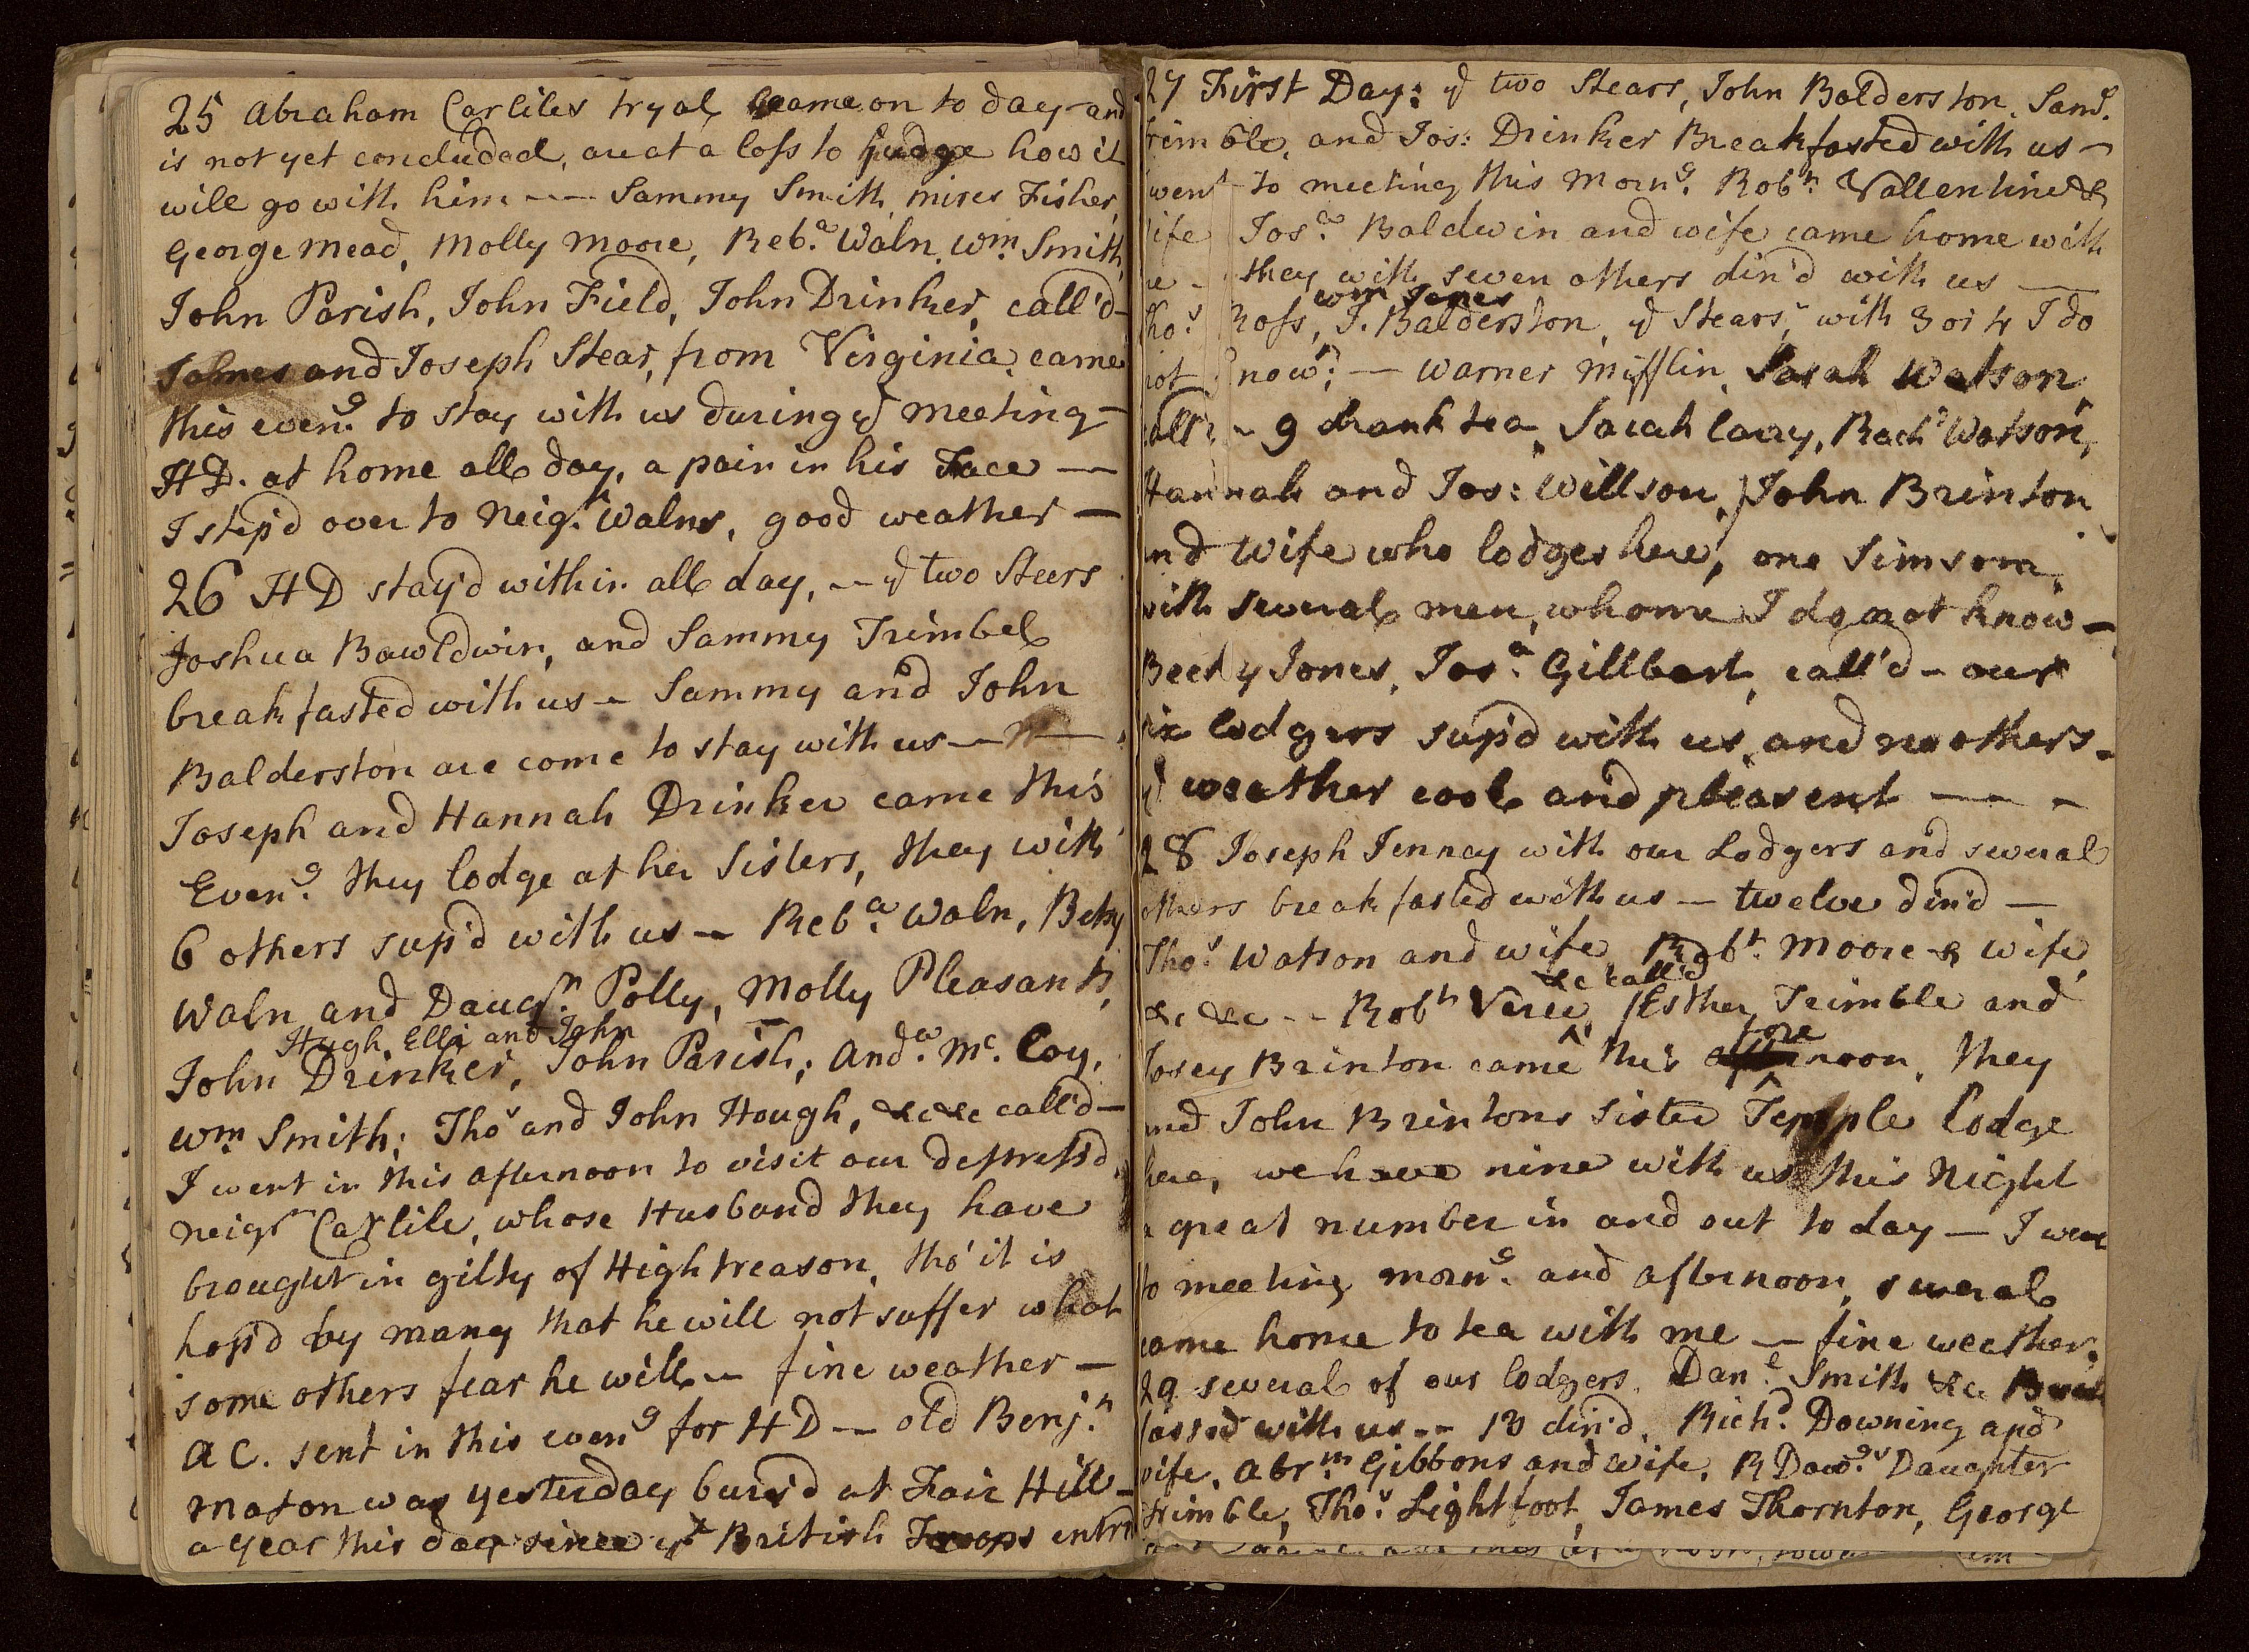25 Abraham Carliles tryal, came on to day- and
is not yet concluded, are at a loss to judge how it
will go with him- Sammy Smith mises Fisher,
George Mead, Molly Moore, Reb^a. Waln, W^m Smith,
John Parish, John Field, John Drinker, call'd-
[Johnes] and Joseph Stear, from Virginia came
this even^g. to stay with us during y^e meeting-
H D. at home all day, a pain in his Face-
I step'd over to Neig^r. Walns, good weather-
26 HD stay'd within all day- y^e two Steers
Joshua Bawldwin, and Sammy Trimbel
breakfasted with us- Sammy and John
Balderston are come to stay with us- -
Joseph and Hannah Drinker came this
Even.^g they lodge at her Sisters, they with
6 others sup'd with us- Reb^a. Waln, Betsy
Waln and Daug^r. Polly, Molly Pleasants,
Hugh, Elli and John
John Drinker, John Parish; And.^w M^c. Coy,
W^m Smith; Tho^s and John Hough, &c &c call'd-
I went in this aftermoon to visit our depress'd
Neig^r Carlile whose Husband they have
brought in gilty of High treason, tho' it is
hop'd by many that he will not suffer what
some others fear he will- fine weather-
AC. sent in this even^g for HD- old Benj^n.
Mason was yesterday bury'd at Fair Hill-
a year this day since y^e British Troops entre
27 First Day: y^e two Stears, John Bolderston, Sanm^s
[b]imble and Jos: Drinker Breakfasted with us-
went to meeting this morn^g. Rob^t Vallentine &
[W]ife Jos^a. Baldwin and witf came home with
re- they with seven others din'd with us-
W^m Jones
Tho.^s Moss, J. Balderston, y^e Stears, with 3 or 4 I do
[n]ot now;- warner Mifflin, Sarah Watson
[der]- 9 drank tea Sarah lany, Rach^l Watson
Hannah and Jos: Willson, John Brinton
and wife who lodges here, one Simsom
with several men, whom I do not know-
Becky Jones, Jos^a. Gillbert, call'd- our
[_]ix lodgers sup'd with us, and no others.
weather cool and pleasent--
28 Joseph Jenney with our Lodgers and several
others breakfasted with us- twelve din'd-
Tho^s Watson and wife, Rob^t Moore & Wife,
&c call'd
&c &c-- Rob^t Veree. /Esther Trimble and
fore
Josey Brinton came this afternoon, they
and John Brintons sister [Temple] lodge
here, we have nine with us this Night
a great number in and out to day- I wen
to meeting morn.^g and afternoon, several
came home to tea with me- fine weather.
29 several of our lodgers, Dan^l. Smith &c B[ua]
lassod with us.- 13 din'd, Rich^d Downing and
wife, Abr^m. Gibbons and wife, R Dow^gs Daughter
Trimble, Tho.^s Lightfoot, James Thornton, George